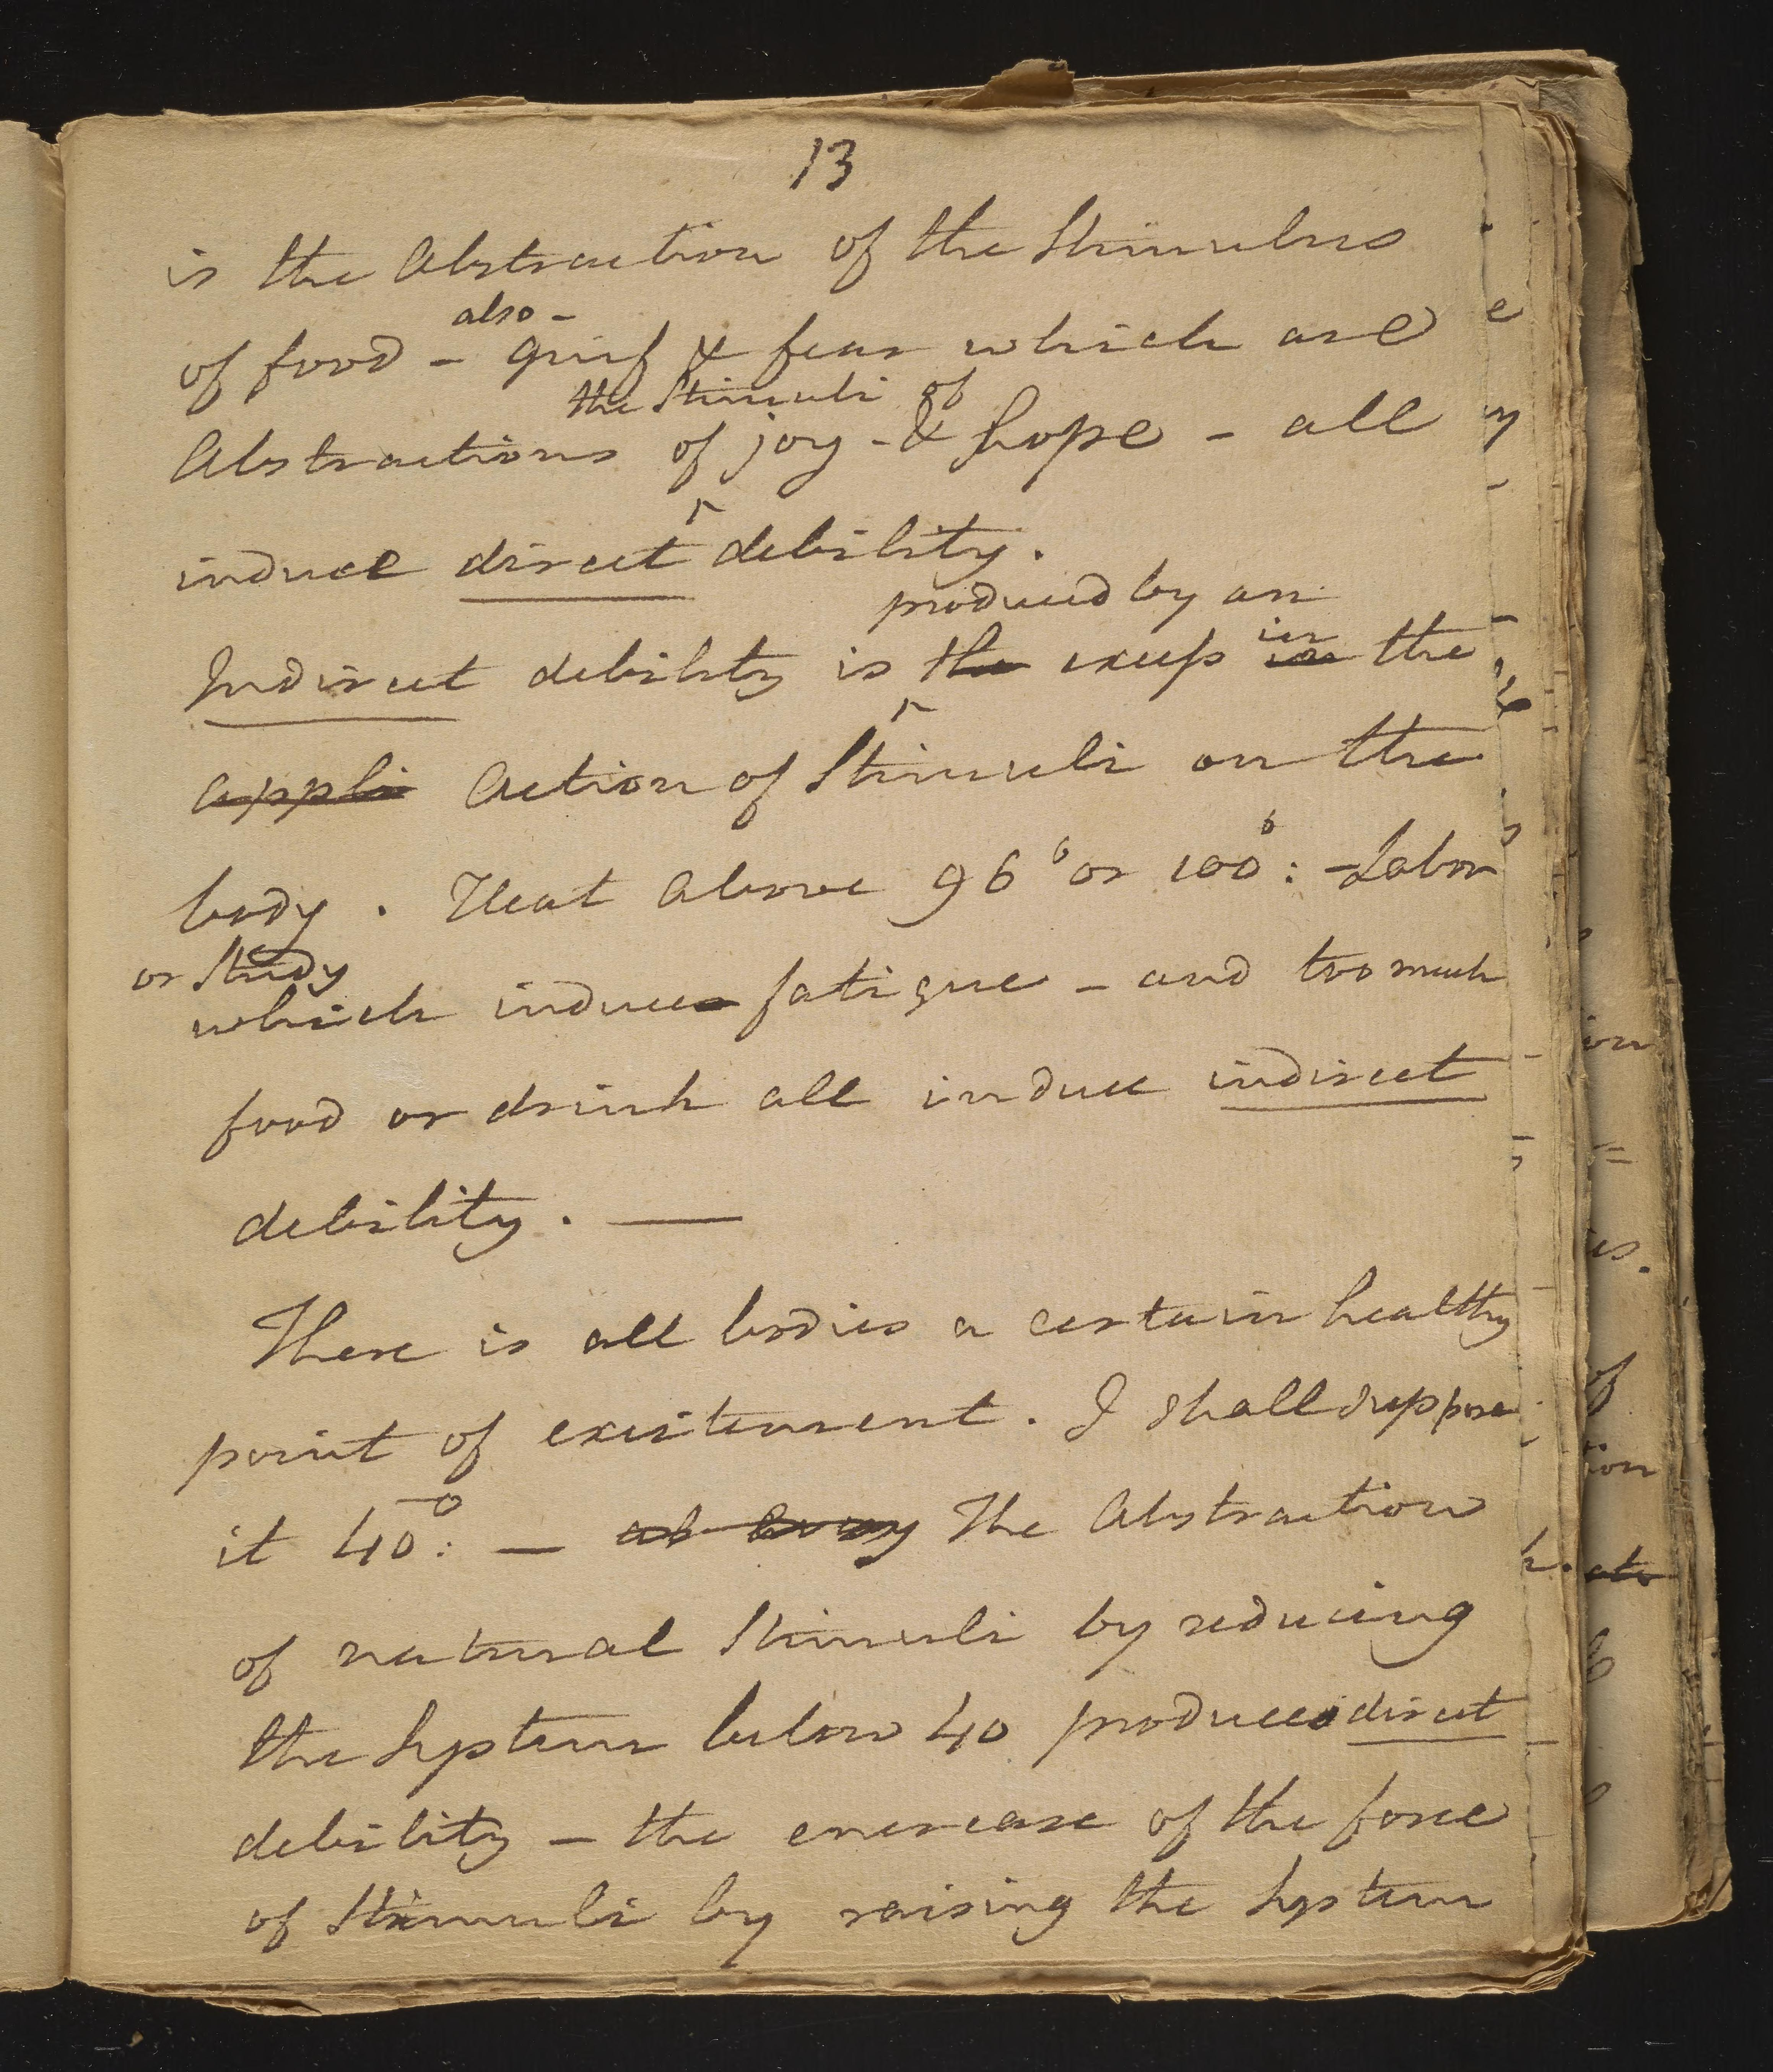13
is the abstraction of the stimulus
also
of food. grief & fear which are
the stimuli of
abstractions of joy - & hope- all
induce direct debility.
produced by an
Indirect debility is ^ excess in the
action of stimuli on the
body. Treat above 96^° or 100^°: Labor
or study
which induce fatigue, and too much
food or drink all induce indirect
debility.
There is all bodies a certain healthy
point of excitement. I shall suppose
it 40^° - The abstraction
of natural stimuli by reducing
the system below 40 produces direct
debility, the exercise of the force
of stimuli by raising the system